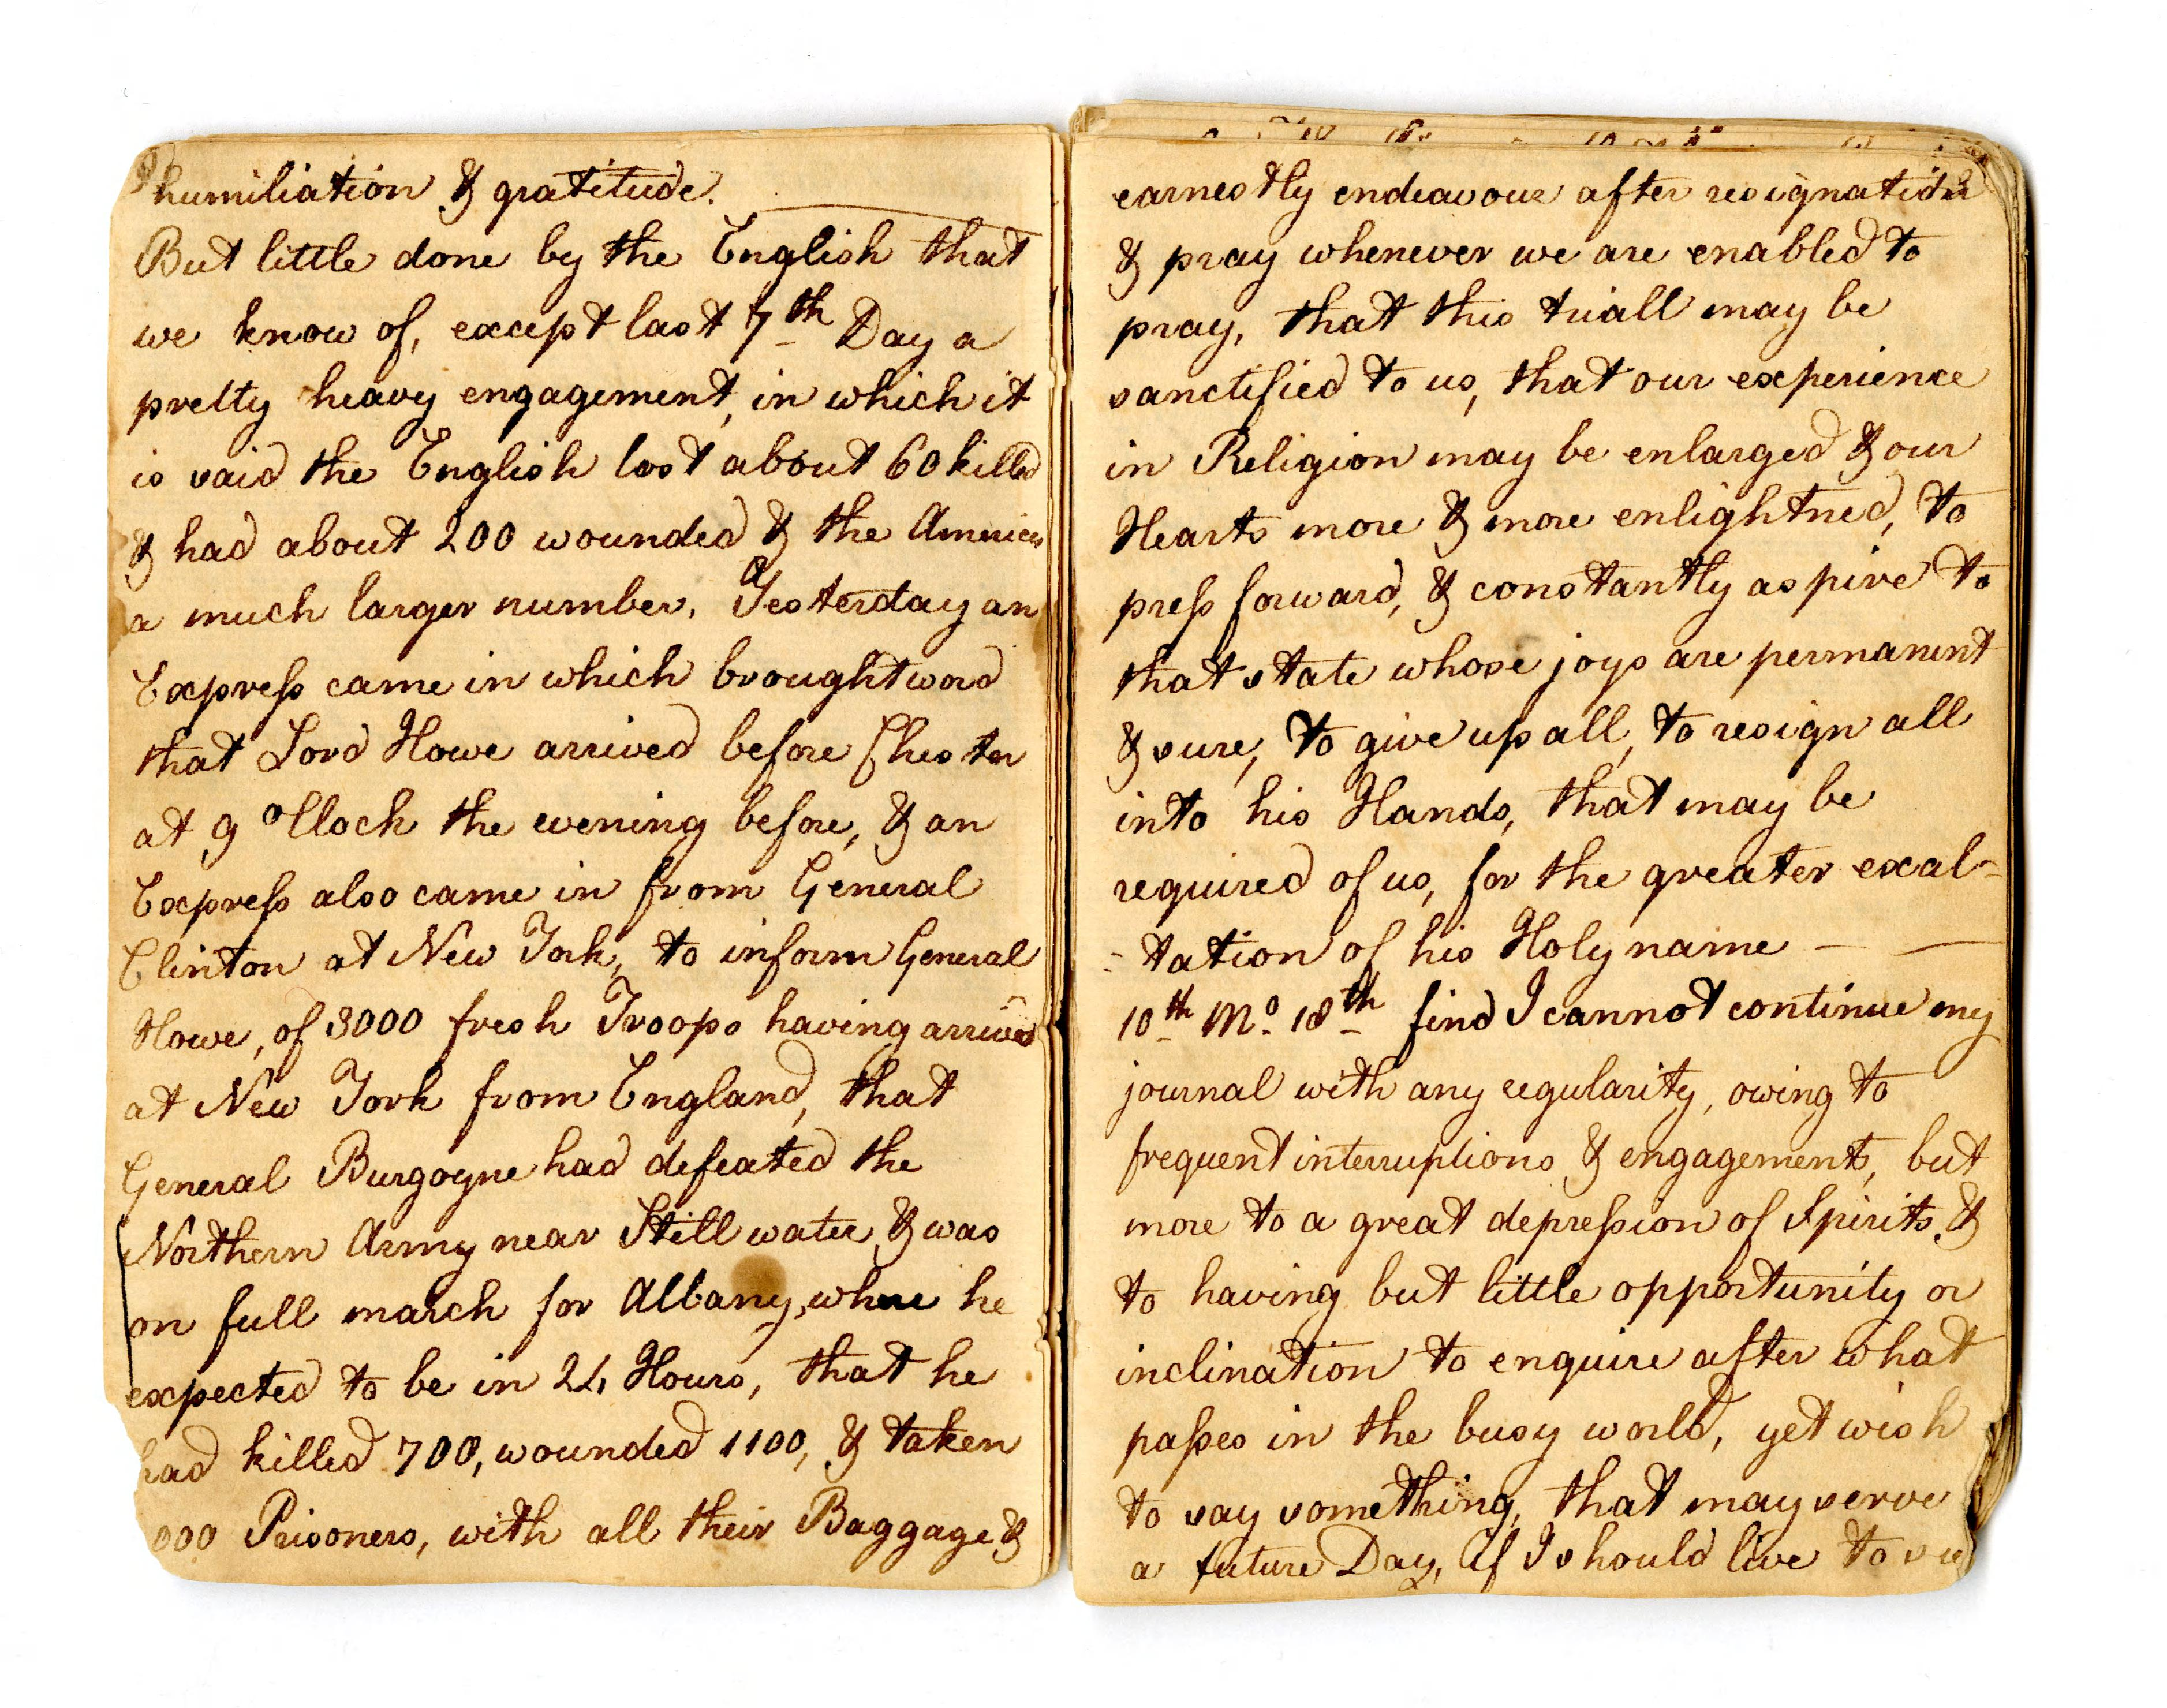humiliation & gratitude.
But little done by the English that
we know of, except last 7^th Day a
pretty heavy engagement in which it
is said the English lost about 60 killed
& had about 200 wounded & the America
a much larger number, Yesterday an
Express came in which brought word
that Lord Howe arrived before Chester
at 9 ^oClock the evening before, & an
Express also came in from General
Clinton at New York, to inform General
Howe, of 3000 fresh Troops having arrived
at New York from England, that
General Burgoyne had defeated the
Northern Army near Still water & was
on full march for Albany, where he
expected to be in 24 Hours, that he
head killed 700, wounded 1100, & taken
000 Prisoners, with all their Baggage &
earnestly endeavour after resignation
& pray whenever we are enabled to
pray, that this triall may be
sanctified to us, that our experience
in Religion may be enlarged & our
Hearts more & more enlightned, to
press forward, & constantly aspire to
that state whose joys are permanent
& sure, to give up all to resign all
into his Hands, that may be
required of us for the greater exal-
-tation of his Holy name-
10^th M^o 18^th find I cannot continue my
journal with any regularity, owing to
frequent interruptions & engagements, but
more to a great depression of Spirits &
to having but little opportunity or
inclination to enquire after what
passes in the busy world, yet wish
to say something, that may serve
a future Day, if I should live to see